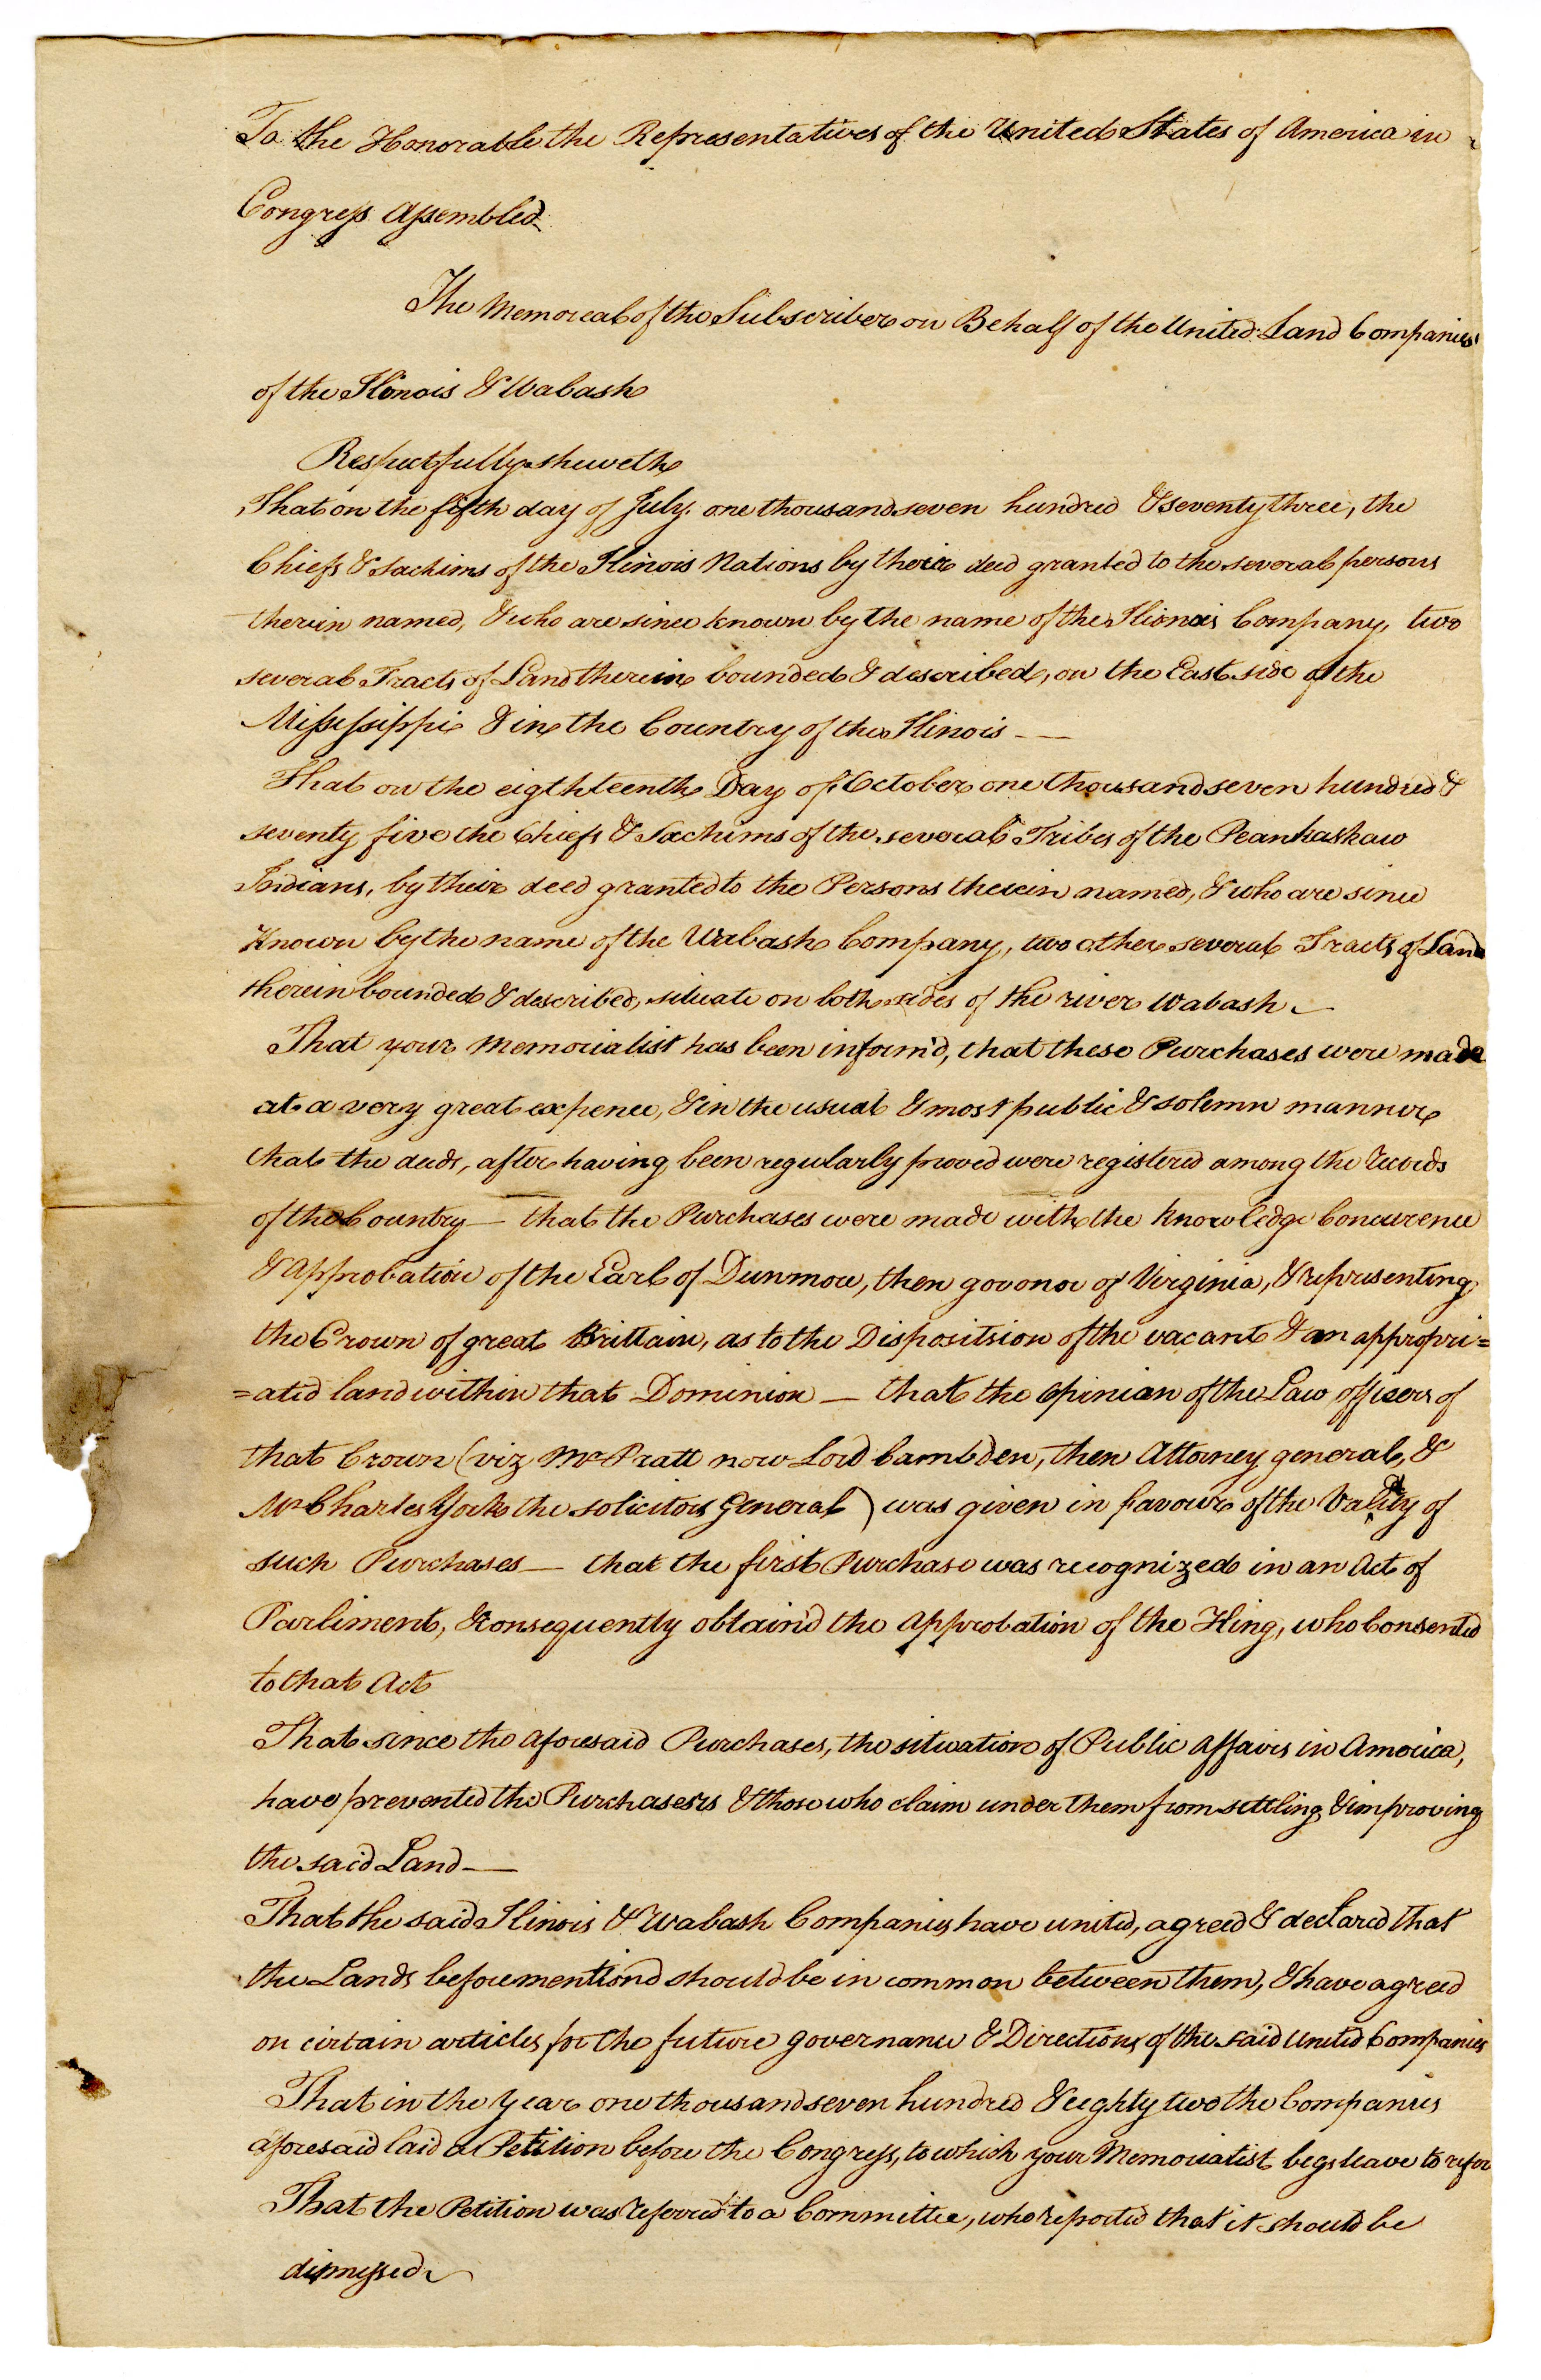To the Honorable the Representatives of the United States of America in
Congress assembled
The Memoreal of the Subscribers on Behalf of the United Land Companies
of the Illinois & Wabash
Respectfully sheweth
That on the fifth day of July one thousand seven hundred & seventy three, the
Chiefs & Sachims of the Illinois Nations by their deed granted to the several persons
therein named, & who are since known by the name of the Ilinois Company two
several tracts of Land therein bounded I described, on the East side of the
Mississippi & in the Country of the Ilinois
That on the eighteenth Day of October one thousand seven hundred &
seventy five the Chiefs & sachims of the several Tribes of the Peankashaw
Indians, by their deed granted to the Persons therein named, & who are since
known by the name of the Wabash Company, two other several Tracts of land
therein bounded I described, indicate on both sides of the river wabash-
That your memorialist has been inform'd, that these Purchases were made
at a very great expence, & in in the usual & most public & solemn manner
that the deeds, after having been regularly proved were registered among the records
of the country- that the Purchases were made with the knowledge Concurrence
& Approbation of the Earl of Dunmore, then governor of Virginia, & representing
the Crown of Great Brittain, as to the Disposition of the vacant & an appropri-
-ated land within that Dominion- that the opinion of the Law officer of
that Crown (viz M^cPratt now Lord Cambden, then attorney general, &
M^r Charles York the solicitors general) was given in favor of the vali^dity of
such Purchases- that the first Purchase was recognized in an Act of
Parliament, & consequently obtain'd the approbation of the King, who consented
to that Act
That since the aforesaid Purchases, the situation of Public affairs in America,
have prevented the Purchasers & those who claim under them from settling & improving
the said Land-
That the said Ilinois & Wabash Companies have united, agreed & declared that
the Lands before mentiond should be in common between them, & have agreed
on cirtain articles for the future governance & Directions of the said united Companies
That in the year one thousand seven hundred & eighty two the Companies
aforesaid laid a Petition before the Congress, to which your Memorialist begs leave to you
That the Petition was referred to a Committee, who reported that it should be
dismissed-